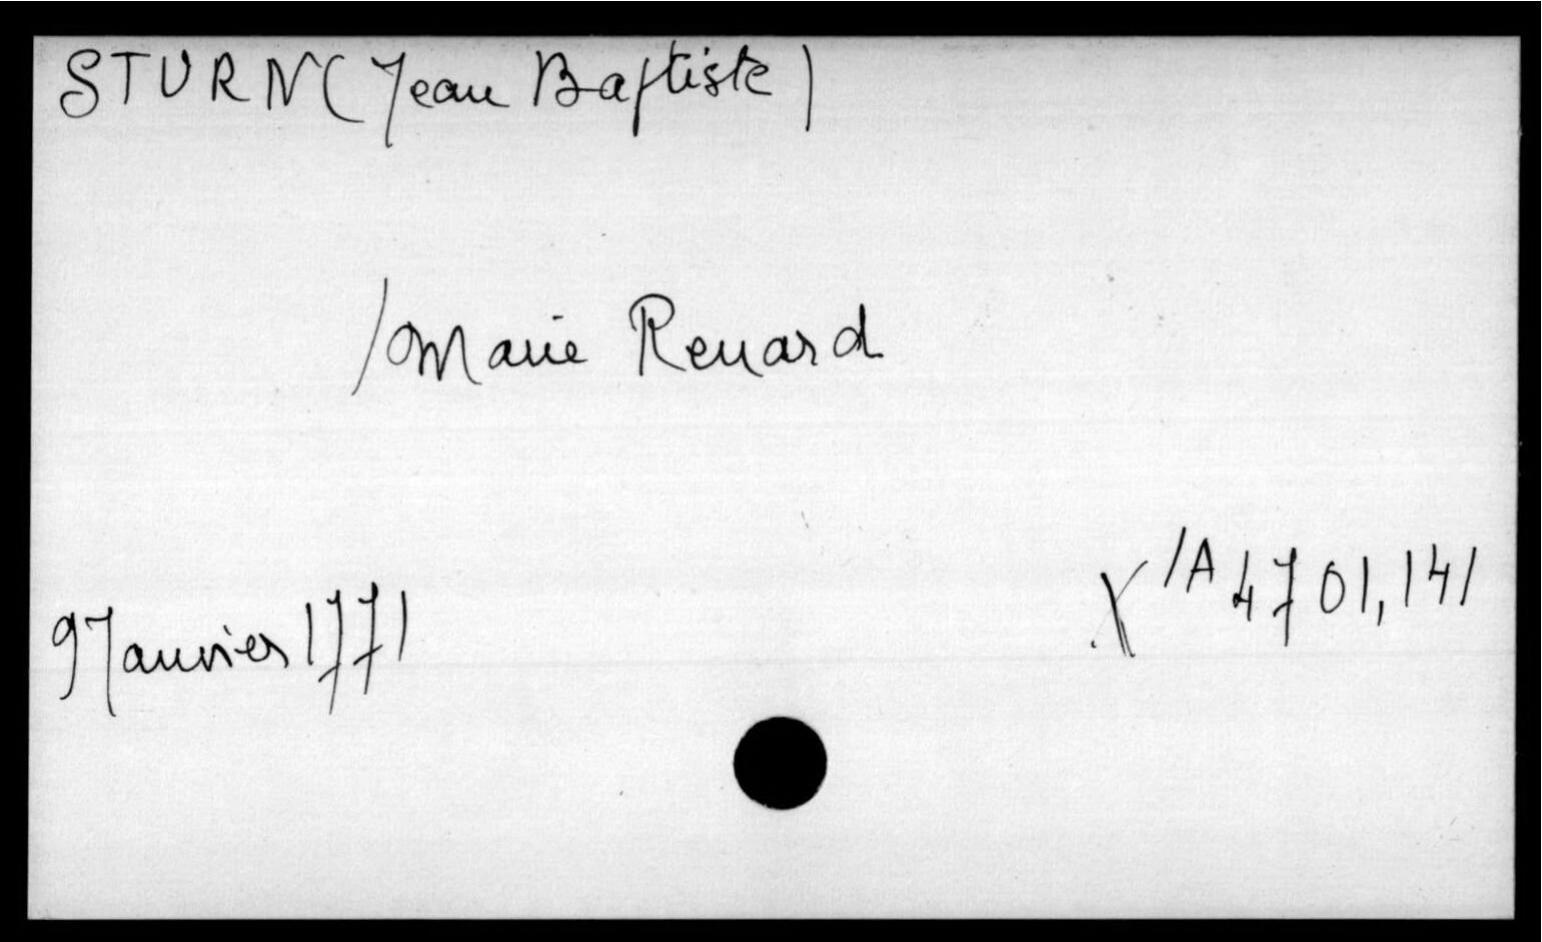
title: STURN (Jean Baptiste)
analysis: Contre Marie Renard
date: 9 janvier 1771
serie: X1A
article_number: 4701
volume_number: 141
